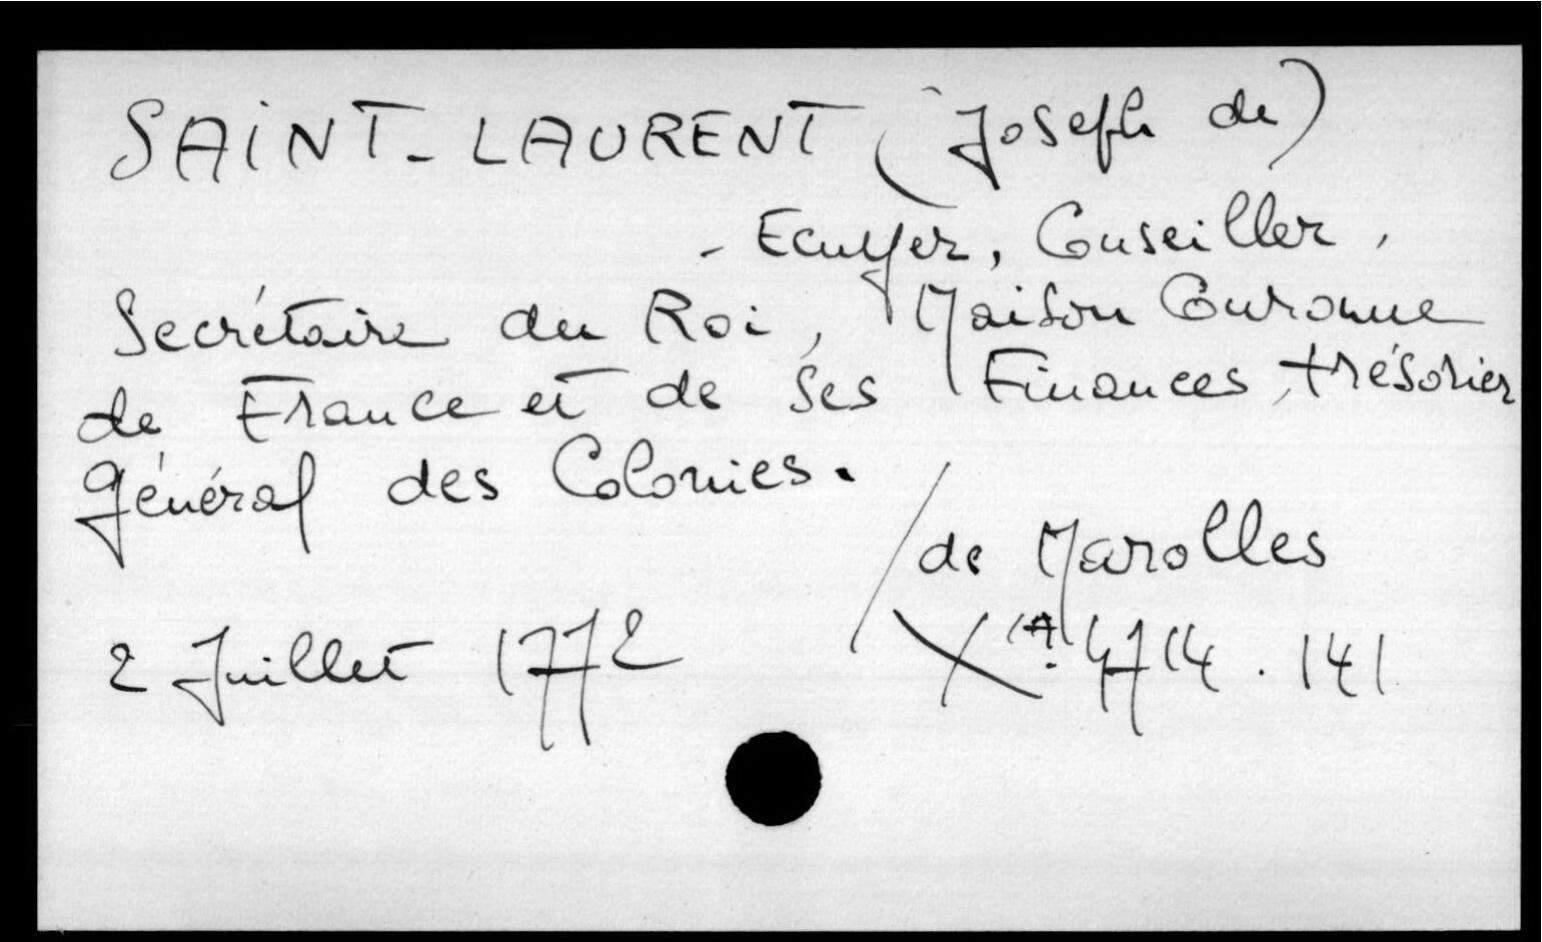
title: SAINT-LAURENT (Joseph de) Ecuyer, conseiller secrétaire du Roi, Maison couronne de France et de ses Finances, trésorier général des Colonies.
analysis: Contre de Marolles
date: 2 juillet 1772
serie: X1A
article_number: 4714
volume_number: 141
